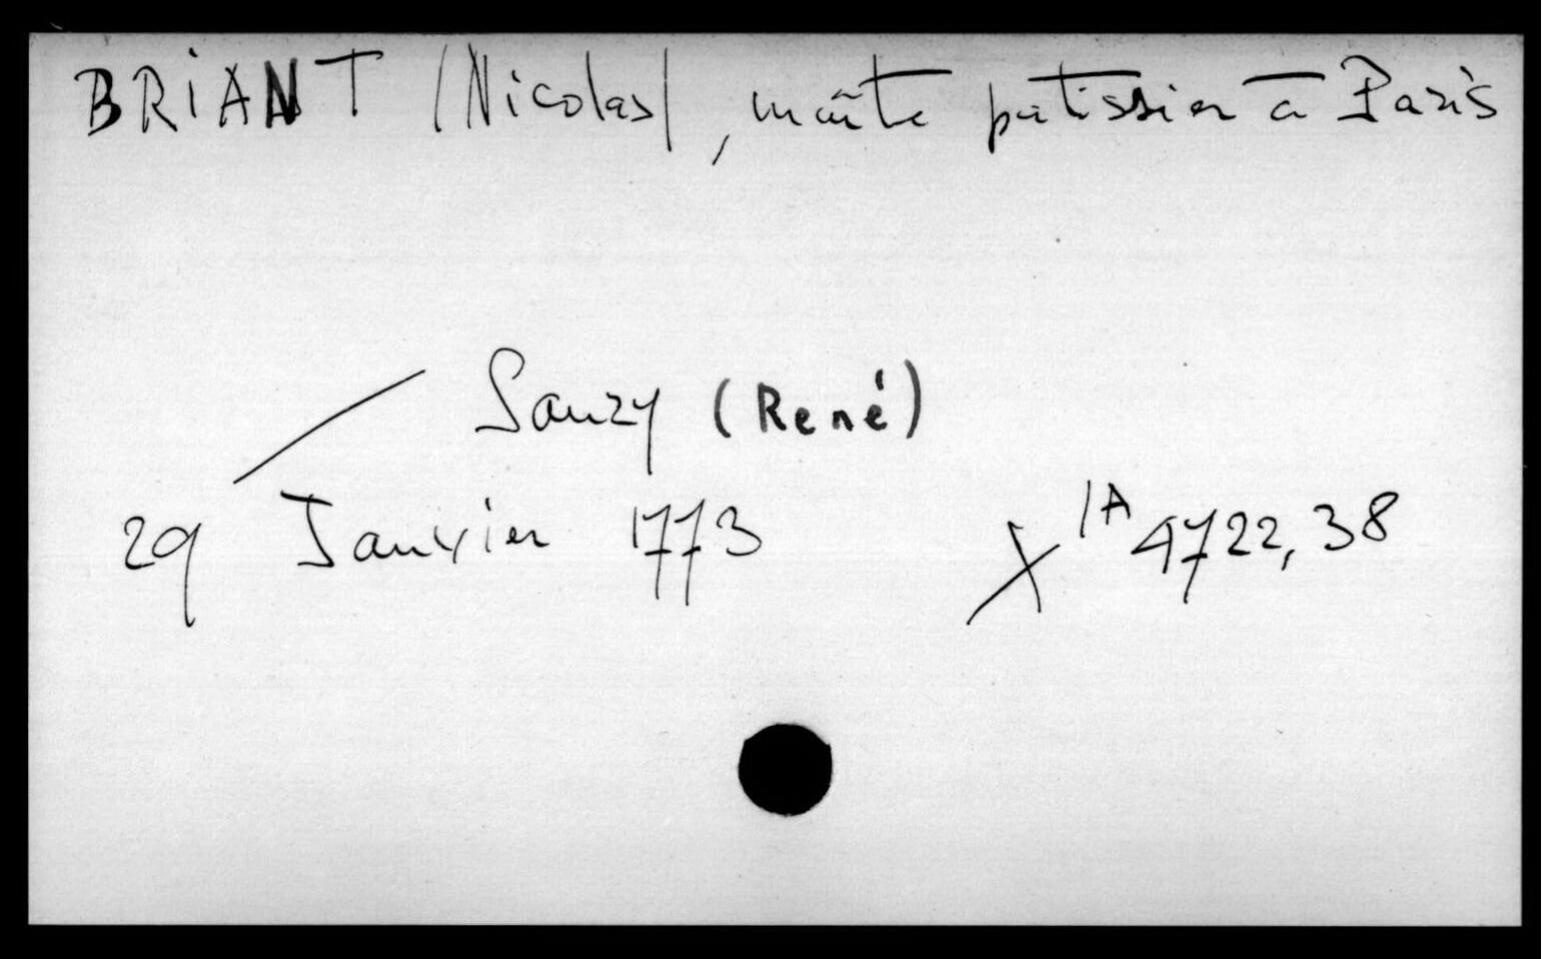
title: BRIANT (Nicolas), maître patissier à Paris
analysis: Contre Sauzy (René)
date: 29 janvier 1773
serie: X1A
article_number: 4722
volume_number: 38
